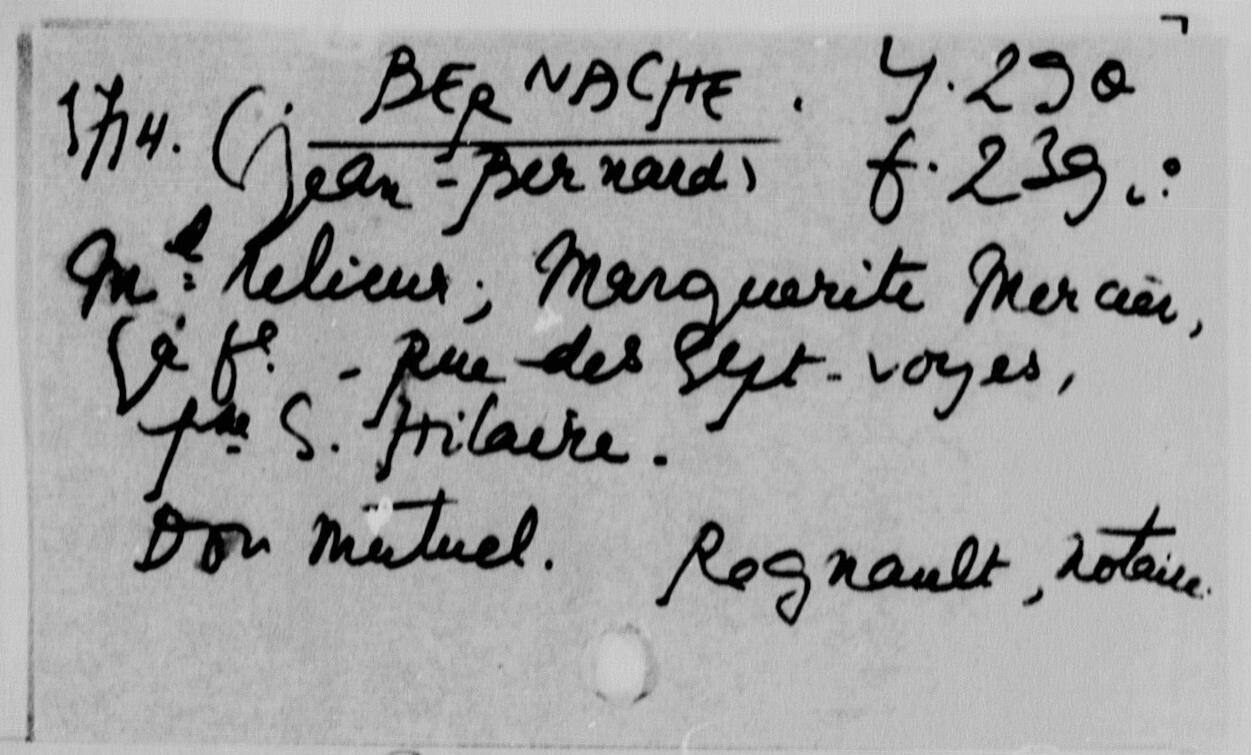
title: BERNACHE (Jean-Bernard)
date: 1714
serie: Y
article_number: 290
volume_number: folio 239 verso
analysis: Marchand relieur Marguerite Mercier, sa femme, rue des sept-Voyes, paroisse Saint-Hilaire Don mutuel Regnault, notaire
